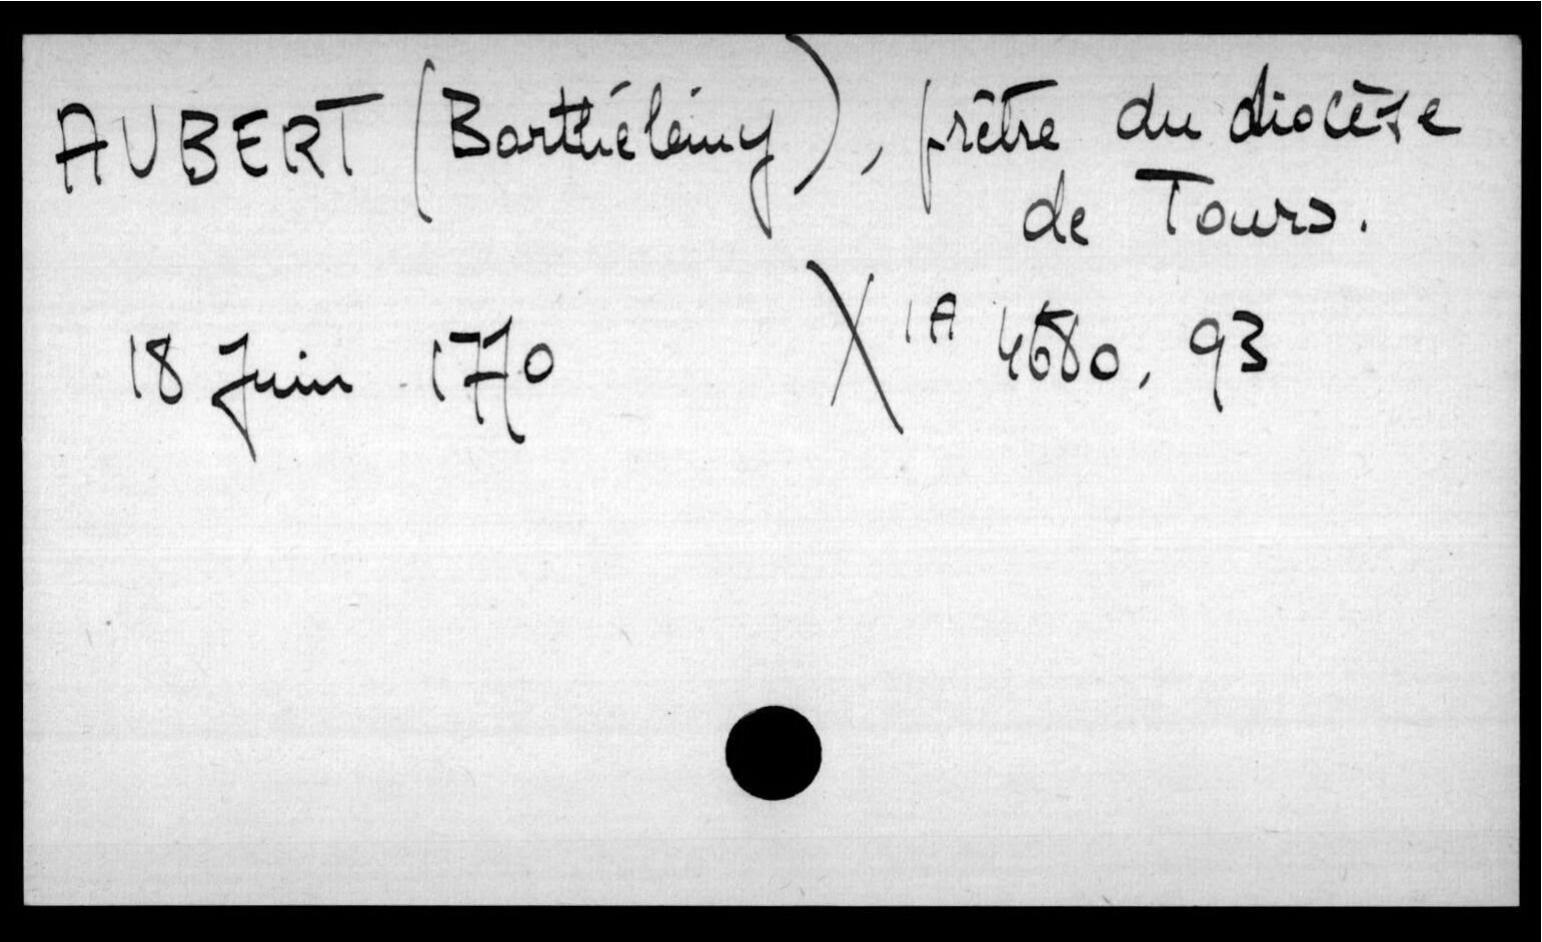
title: AUBERT (Barthélémy), prêtre du diocèse de Tours.
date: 18 juin 1770
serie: X1A
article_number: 4680
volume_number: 93
